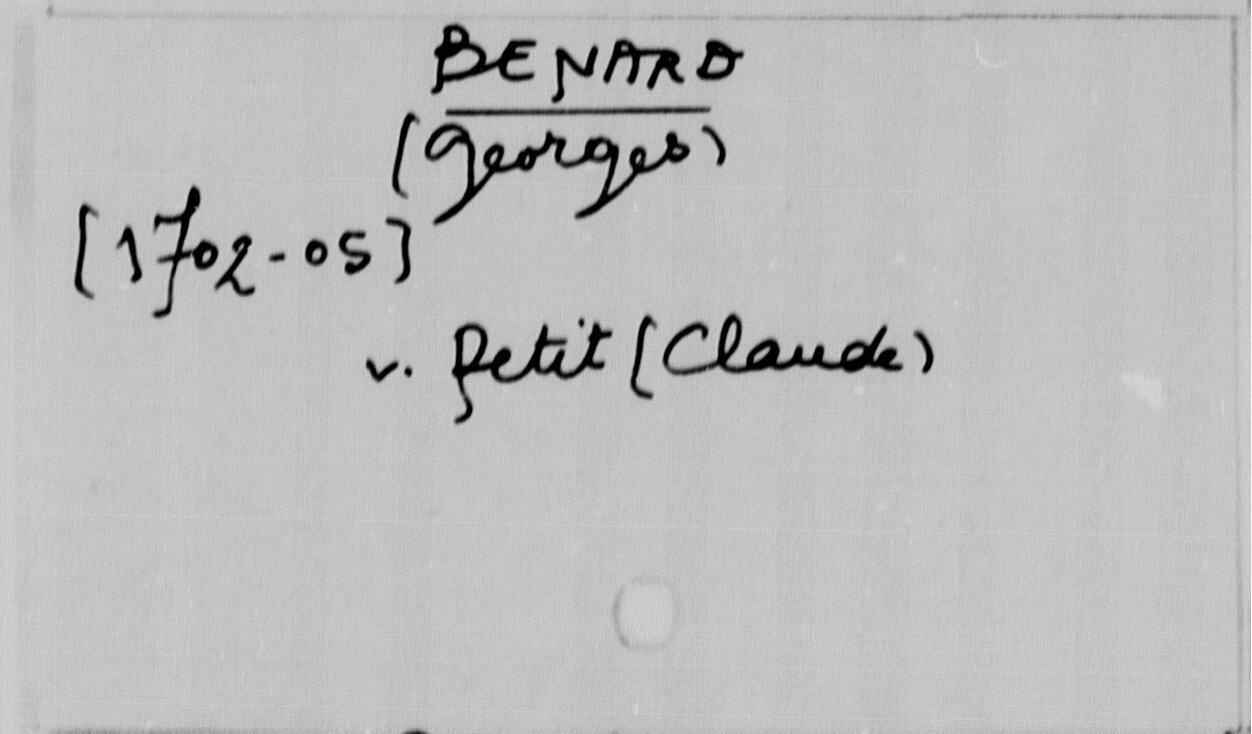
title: BENARD (Georges)
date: [1702-1705]
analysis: Voir PETIT (Claude)
